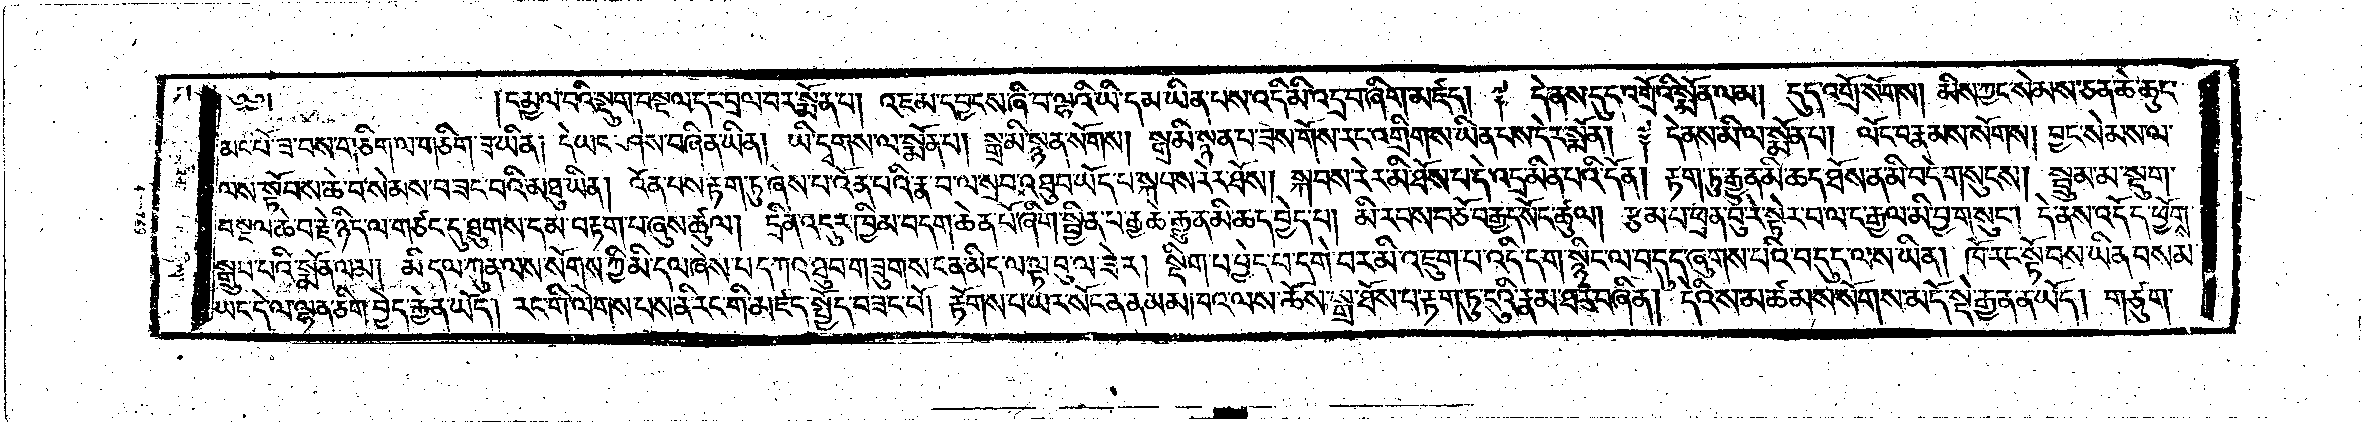༄༅། །དམྱལ་བའི་སྡུག་བསྔལ་དང་བྲལ་བར་སྨོན་པ། འཇམ་དབྱངས་ཞི་བ་ལྷའི་ཡི་དམ་ཡིན་པས་འདི་མི་འདྲ་བ་ཞིག་མཛད། ༈ དེ་ནས་དུད་འགྲོའི་སྨོན་ལམ། དུད་འགྲོ་སོགས། མིས་ཀྱང་སེམས་ཅན་ཆེ་ཆུང་
མང་པོ་ཟ་བས་གཅིག་ལ་གཅིག་ཟ་ཡིན། དེ་ཡང་ཤེས་བཞིན་ཡིན། ཡི་དྭགས་ལ་སྨོན་པ། སྒྲ་མི་སྙན་སོགས། སྒྲ་མི་སྙན་པ་ཟས་གོས་རང་འགྲིགས་ཡིན་པས་དེར་སྨོན། ༈ དེ་ནས་མི་ལ་སྨོན་པ། ལོང་བ་རྣམས་སོགས། བྱང་སེམས་ལ་
ལས་སྟོབས་ཆེ་བ་སེམས་བཟང་བའི་མཐུ་ཡིན། འོན་པས་རྟག་ཏུ་ཞེས་པ་འོན་པའི་རྣ་བ་ལ་སྲབ྾་འཐུབ་ཡོད་པ་སྐབས་རེར་ཐོས། སྐབས་རེར་མི་ཐོས་པ་དེ་འདྲ་མིན་པའི་དོན། རྟག་ཏུ་རྒྱུན་མི་ཆད་ཐོས་ན་མི་བདེ་གསུངས། སྦྲུམ་མ་སྡུག་
བསྔལ་ཆེ་བ་རྗེ་ཉིད་ལ་གཙང་དུ་ཐུགས་དམ་བརྟག་པ་ཞུས་ཚུལ། དྲིན་འདུར་ཁྱིམ་བདག་ཆེན་པོ་ཞིག་སྦྱིན་པ་རྒྱ་ཆེ་རྒྱུན་མི་ཆད་བྱེད་པ། མི་རབས་བཅོ་བརྒྱད་སོང་ཚུལ། རྩམ་པ་ཕྲན་བུ་རེ་སྟེར་བ་ལ་ང་རྒྱལ་མི་བྱ་གསུང་། དེ་ནས་འདོད་ཕྱོགས་
སྒྲུབ་པའི་སྨོན་ལམ། མི་དལ་ཀུན་ལས་སོགས་ཀྱི་མི་དལ་ཞེས་པ་དཀའ་ཐུབ་གཟུགས་ངན་མིད་ལ་ལྟ་བུ་ལ་ཟེར། སྡིག་པ་བྱེད་པ་དགེ་བར་མི་འཇུག་པ་འདི་དག་སྙིང་ལ་བདུད་ཞུགས་པའི་བདུད་ལས་ཡིན། ཁོ་རང་སྟོབས་ཡིན་བསམ་
ཡང་དེ་ལ་ལྷན་ཅིག་བྱེད་རྐྱན་ཡོད། རང་གི་ལེགས་པས་ནི་རང་གི་མཛད་སྤྱོད་བཟང་པོ། རྟོགས་པ་ཡར་སོང་ན་ནམ་མཁའ་ལས་ཆོས་སྒྲ་ཐོས་པ་རྟག་ཏུ་དུའི་རྣམ་ཐུར་བཞིན། དེའི་ས་མཚམས་སོགས་མདོ་སྡེ་རྒྱན་ན་ཡོད། གཙུག་